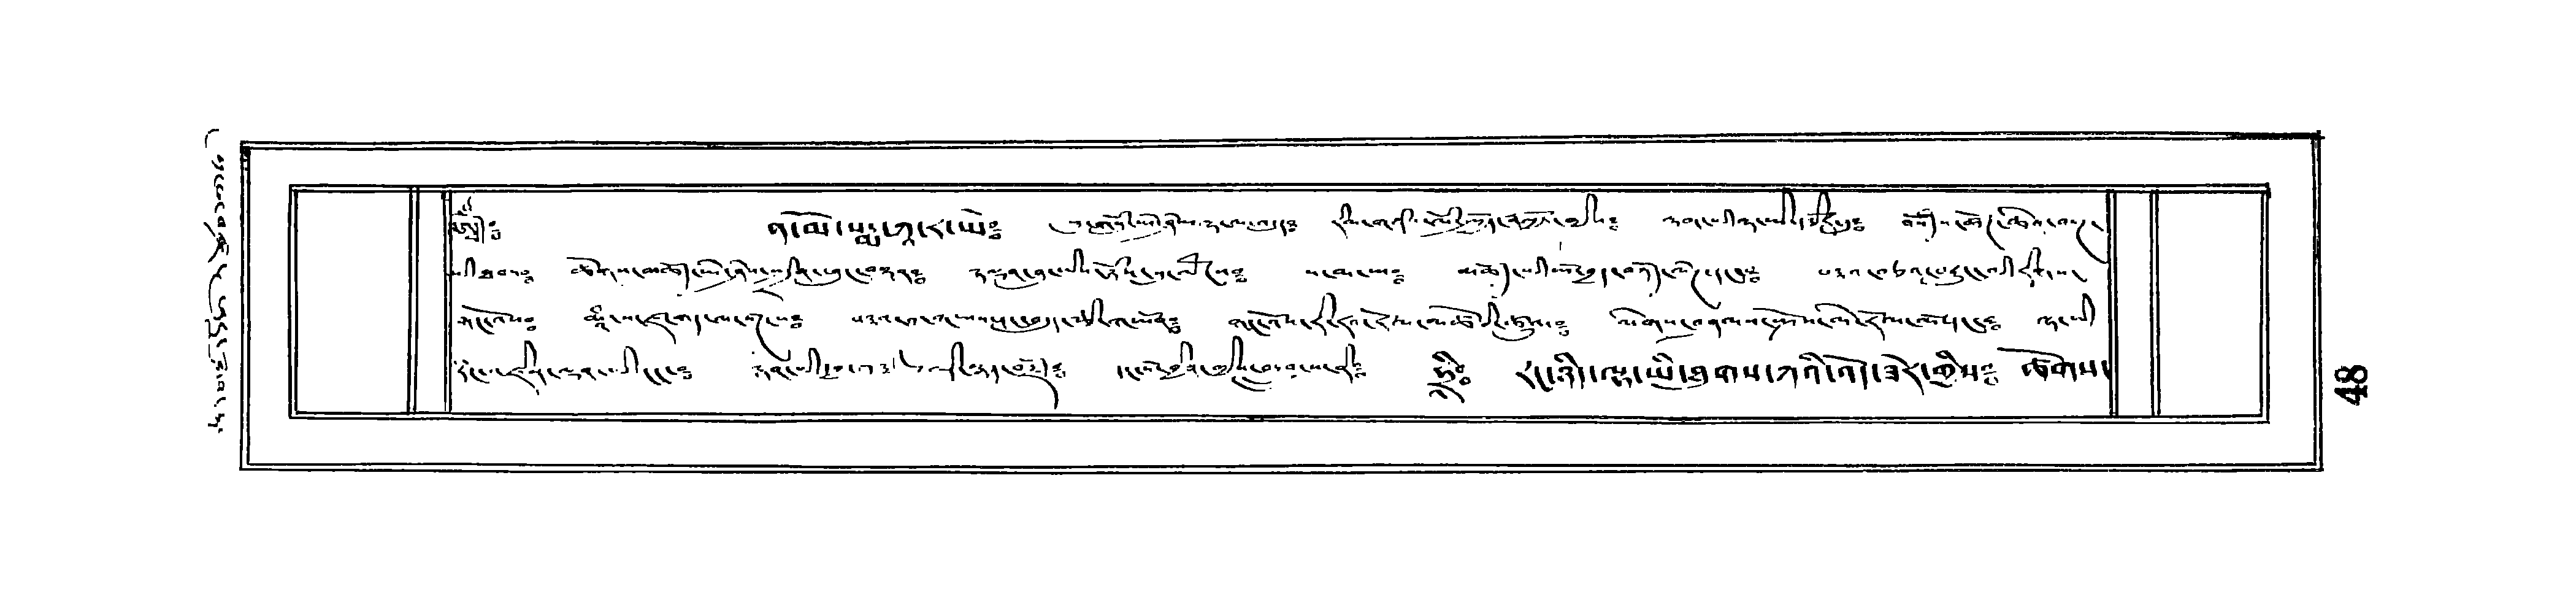ན་མོ་པདྨ་ཀཱ་ར་ཡེ༔ སྐུ་གསུམ་ཡེ་ཤེས་ལྷ་ལ་འདུད༔ རིམ་གཉིས་ལམ་སྤྱོད་རྣལ་འབྱོར་གྱིས༔ ལྷག་པའི་ལྷ་ཡི་དཀྱིལ་འཁོར་དུ༔ བསོད་ནམས་ཚོགས་ཆེན་བསགས་
པའི་ཐབས༔ ཚོགས་མཆོད་ཡེ་ཤེས་སྤྲིན་ཕུང་བསྟན༔ སྐལ་ལྡན་བུ་ཡིས་ཉམས་སུ་ལོངས༔ ས་མ་ཡ༔ མཆོད་པའི་ཡོ་བྱད་བཀོད་ལེགས་དང༔ བཟའ་བཅའ་བཏུང་བའི་རིགས་
གང་འོས༔ མཱཾ་ས་ཛ་གད་ལ་སོགས་པ༔ བཟའ་བ་གཡས་དང་བདུད་རྩི་གཡོན༔ གང་འོས་རི་རབ་རོལ་མཚོའི་ཚུལ༔ ལེགས་བཤམ་ས་སྤོས་མེ་རོལ་མོ་དང་། ལྷ་ཡི་
ཏིང་འཛིན་ལྡན་པའི་ངང༔ སྙན་བའི་དབྱངས་ཀྱིས་འདི་ལྟར་བརྗོད༔ དང་པོ་བྱིན་གྱིས་བསླབ་པ་ནི༔ ཧྲཱིཿ རང་ཉིད་ལྷ་ཡི་ཐུགས་ཀའི་འོད་ཟེར་གྱིས༔ ཚོགས་